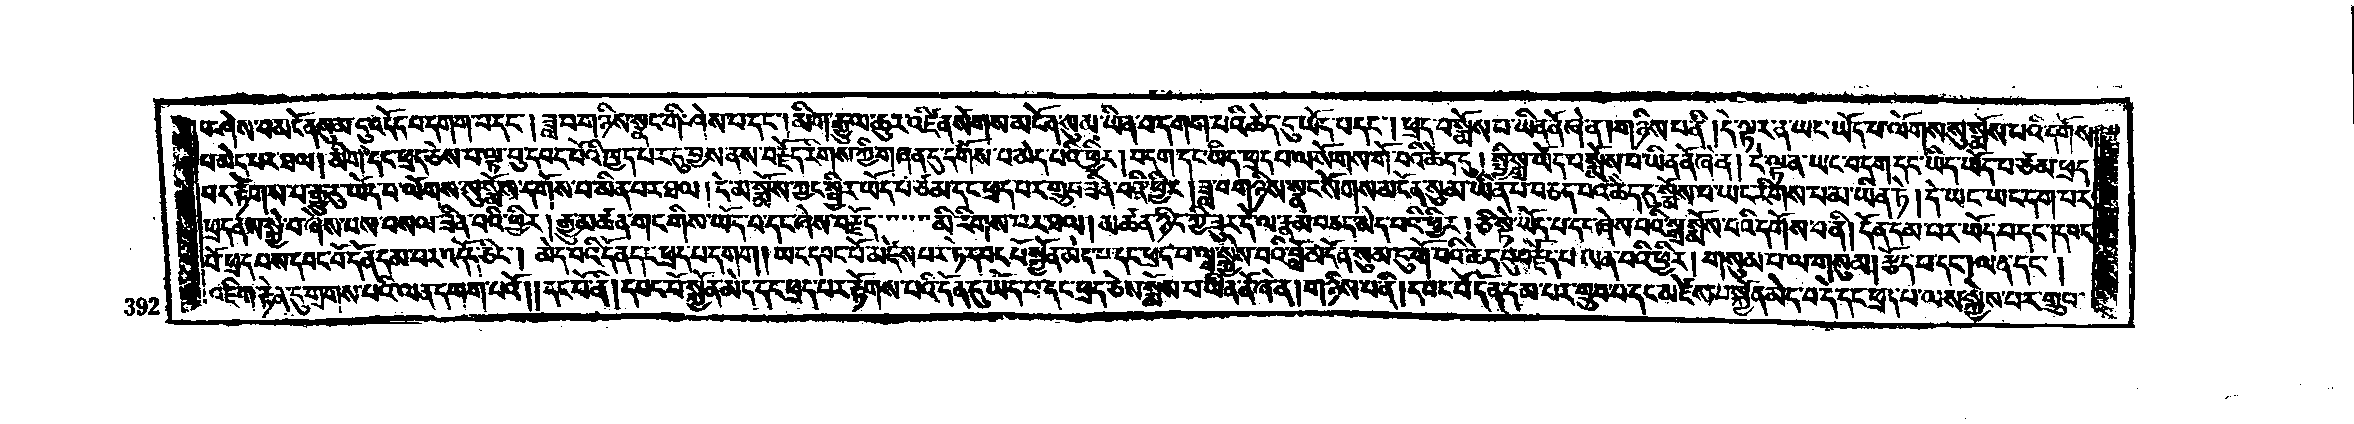པ་ཤེས་པ་མངོན་སུམ་དུ་འདོད་པ་དགག་པ་དང་། ཟླ་བ་གཉིས་སྣང་གི་ཤེས་པ་དང་། མིག་རྒྱུ་ལ་ཆུར་འཛིན་སོགས་མངོན་སུམ་ཡིན་པ་དགག་པའི་ཆེད་དུ་ཡོད་པ་དང་། ཕྲད་པ་སྨོས་པ་ཡིན་ནོ་ཞེ་ན། གཉིས་པ་ནི། དེ་ལྟར་ན་ཡང་ཡོད་པ་ལོགས་སུ་སྨོས་པའི་དགོས་
པ་མེད་པར་ཐལ། མིག་དང་ཕྲད་ཅེས་པ་ལྟ་བུ་དབང་པོའི་ཁྱད་པར་དུ་བྱས་ནས་བརྗོད་རིགས་ཀྱི་གཞན་དུ་དགོས་པ་མེད་པའི་ཕྱིར། བདག་དང་ཡིད་ཕྲད་པ་ལ་སོགས་གོ་བའི་ཆེད་དུ། སྤྱི་སྒྲ་ཡོད་པ་སྨོས་པ་ཡིན་ནོ་ཞེ་ན། དེ་ལྟ་ན་ཡང་བདག་དང་ཡིད་ཡོད་པ་ཙམ་ཕྲད་
པར་རྟོགས་པ་རྒྱུ་རུ་ཡོད་པ་ལོགས་སུ་སྨོས་དགོས་པ་མིན་བར་ཐལ། དེ་མ་སྨོས་ཀྱང་སྤྱིར་ཡོད་པ་ཙམ་དང་ཕྲད་པར་གྲུབ་ཟིན་པའི་ཕྱིར། ཟླ་བ་གཉིས་སྣང་སོགས་མངོན་སུམ་ཡིན་པ་བཅད་པའི་ཆེད་དུ་སྨོས་པ་ཡང་རིགས་པ་མ་ཡིན་ཏེ། དེ་ཡང་ཡང་དག་པར་
ཕྲད་ནས་སྐྱེ་བ་ཞེས་པས་བསལ་ཟིན་པའི་ཕྱིར། རྒྱུ་མཚན་གང་གིས་ཡོད་པ་དང་ཞེས་བརྗོད་མི་རིགས་པར་ཐལ། མཚན་ཉིད་ཀྱི་ཟུར་དེ་ལ་རྣམ་བཅད་མེད་པའི་ཕྱིར། ཅི་སྟེ་ཡོད་པ་དང་ཞེས་པའི་སྒྲ་སྨོས་པའི་དགོས་པ་ནི། དོན་དམ་པར་ཡོད་པ་དང་། དབང་
པོ་ཕྲད་བས་དབང་པོ་དོན་དམ་པར་འདོད་ཅིང་། མེད་པའི་དོན་དང་ཕྲད་པ་དགག །ཡང་དབང་པོ་མཛེས་པར་ཏེ་དབང་པོ་སྐྱོན་མེད་པ་དང་ཕྲད་པ་ལས་སྐྱེས་པའི་བློ་མངོན་སུམ་དུ་གོ་བའི་ཆེད་དུ་བརྗོད་པ་ལན་པའི་ཕྱིར། གསུམ་པ་ལ་གསུམ། རྩོད་པ་དང་། ལན་དང་།
འཇིག་རྟེན་དུ་གྲགས་པའི་ལན་དགག་པའོ། །དང་པོ་ནི། དབང་པོ་སྐྱོན་མེད་དང་ཕྲད་པར་རྟོགས་པའི་དོན་དུ་ཡོད་པ་དང་ཕྲད་ཅེས་སྨོས་པ་ཡིན་ནོ་ཞེ་ན། གཉིས་པ་ནི། དབང་པོ་དོན་དམ་པར་གྲུབ་པ་དང་མཛེས་པ་སྐྱོན་མེད་པ་དེ་དང་ཕྲད་པ་ལས་སྐྱེས་པར་གྲུབ་